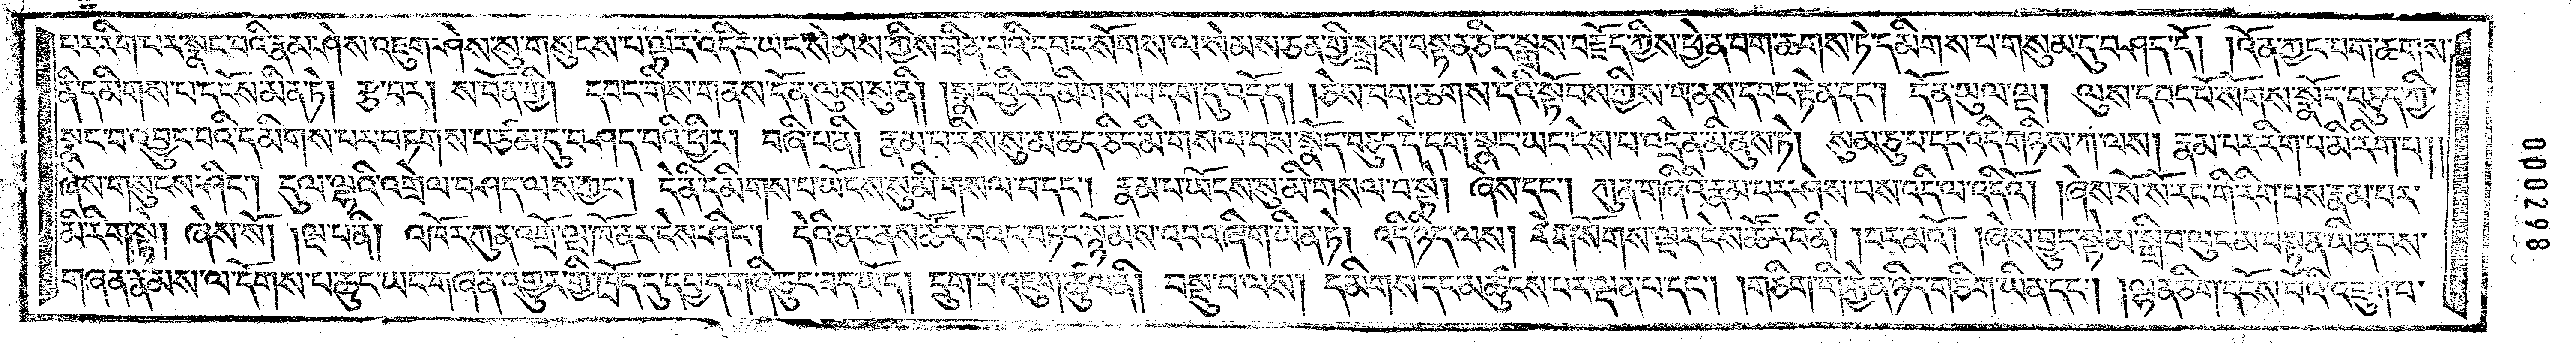པར་རིག་པར་སྣང་བའི་རྣམ་ཤེས་འཇུག་ཤེས་སུ་གསུངས་པ་ལྟར་འདིར་ཡང་སེམས་ཀྱིས་ཟིན་པའི་དབང་སོགས་ལ་སེམས་ཅན་གྱི་སྒྲས་བསྟན་ཅིང་སྒྲས་བརྗོད་ཀྱིས་ཕྱེན་བག་ཆགས་ཏེ་དམིགས་པ་གསུམ་དུ་བཤད་དོ། །འོན་ཀྱང་བག་ཆགས་
ནི་དམིགས་པ་དངོས་མིན་ཏེ། རྩ་བར། ས་བོན་གྱི། དབང་གིས་གནས་དོན་ལུས་སུ་ནི། །སྣང་ཕྱིར་དམིགས་པ་དག་དུ་འདོད། །ཅེས་བག་ཆགས་དེའི་སྟོབས་ཀྱིས་གནས་དབང་རྟེན་དང་། དོན་ཡུལ་ལྔ། ལུས་དབང་པོ་སོགས་སྣོད་བཏུད་ཀྱི་
སྣང་བ་འབྱུང་བའི་དམིགས་པར་བཏགས་པ་ཙམ་དུ་བཤད་པའི་ཕྱིར། བཞི་པ་ནི། རྣམ་པ་རིས་སུ་མཆད་ཅིང་མི་གསལ་བས་སྣོད་བཅུད་དེ་དག་སྣང་ཡང་ངེས་པ་འདྲེན་མི་ནུས་ཏེ། སུམ་ཅུ་པ་དང་འདི་གཉིས་ཀ་ལས། རྣམ་པར་རིག་པ་མི་རིག་པ།།
ཞེས་གསུངས་ཤིང་། དུལ་ལྷའི་འགྲེལ་བཤད་ལས་ཀྱང་། དེ་ནི་དམིགས་པ་ཡོངས་སུ་མི་གསལ་བ་དང་། རྣམ་པ་ཡོངས་སུ་མི་གསལ་བ་སྟེ། ཞེས་དང་། ཀུན་གཞིའི་རྣམ་པར་ཤེས་པས་འདི་ལ་འདིའོ། །ཞེས་སོ་སོ་རང་གི་རིག་པས་རྣམ་པར་
མི་རིག་སྟེ། ཞེས་སོ། །ལྔ་པ་ནི། འཁོར་ཀུན་འགྲོ་ལྔ་ཁོ་ནར་ངེས་ཤིང་། དེའི་ནང་ནས་ཚོར་བའང་བཏང་སྙོམས་འབའ་ཞིག་ཡིན་ཏེ། འདི་ཉིད་ལས། རེག་སོགས་ལྔར་དེས་ཚོར་བ་ནི། །བར་མའོ། །ཞེས་བྱུང་སྟེ་མ་སྒྲིབ་ལུང་མ་བསྟན་ཡིན་པས་
གཞན་རྣམས་ལ་དོགས་པ་ཆུང་ཡང་གཞན་འགྱུར་གྱི་ཁྲོད་དུ་དཔྱད་གཞི་ཅུང་ཟད་ཡོད། དྲུག་པ་འཇུག་ཚུལ་ནི། བསྡུ་བ་ལས། དམིགས་དང་མཚུངས་པར་ལྡན་པ་དང་། །གཅིག་གི་རྐྱེན་ཉིད་གཅིག་ ཡིན་པས། །ལྷན་ཅིག་དངོས་པོའི་འཇུག་པ་